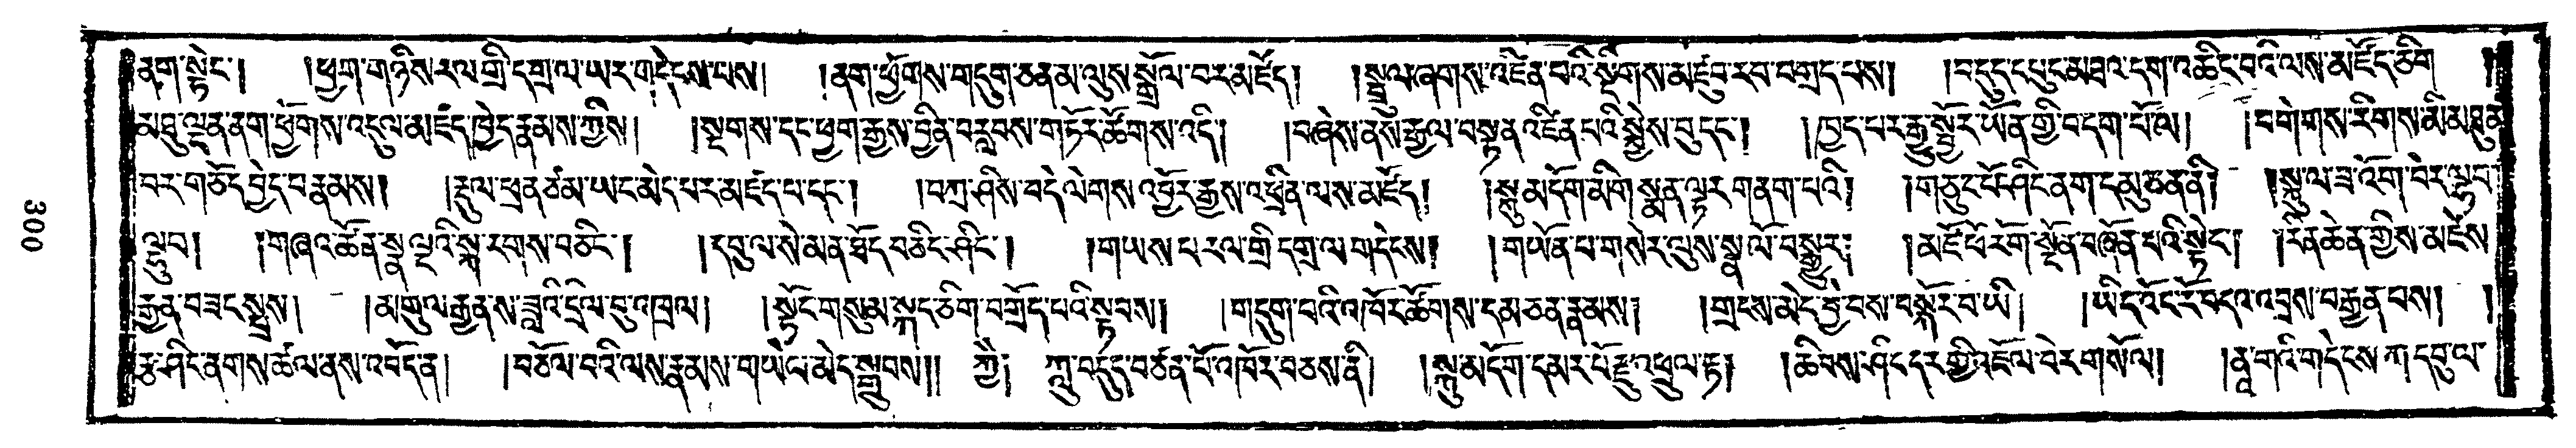ནག་སྟེང་། །ཕྱག་གཉིས་རལ་གྲི་དགྲ་ལ་ཡར་གདེངས་པས། །ནག་ཕྱོགས་གདུག་ཅན་མ་ལུས་སྒྲོལ་བར་མཛོད། །སྦྲུལ་ཞགས་འཛིན་པའི་སྡིགས་མཛུབ་རབ་བགྲད་པས། །བདུད་དཔུང་མཐའ་དག་འཆིང་བའི་ལས་མཛོད་ཅིག །
མཐུ་ལྡན་ནག་ཕྱོགས་འདུལ་མཛད་ཁྱེད་རྣམས་ཀྱིས། །སྔགས་དང་ཕྱག་རྒྱས་བྱིན་བརླབས་གཏོར་ཚོགས་འདི། །བཞེས་ནས་རྒྱལ་བསྟན་འཛིན་པའི་སྐྱེས་བུ་དང་། །ཁྱད་པར་རྒྱུ་སྦྱོར་ཡོན་གྱི་བདག་པོ་ལ། །བགེགས་རིགས་མི་མཐུན་
བར་གཅོད་བྱེད་པ་རྣམས། །རྡུལ་ཕྲན་ཙམ་ཡང་མེད་པར་མཛད་པ་དང་། །བཀྲ་ཤིས་བདེ་ལེགས་འབྱོར་རྒྱས་འཕྲིན་ལས་མཛོད། །སྐུ་མདོག་མིག་སྨན་ལྟར་གནག་པའི། །གཅུང་པོ་ཤིང་ནག་དམུ་ཅན་ནི། །སྐུ་ལ་ཟ་འོག་བེར་ལྷབ་
ལྷུབ། །གཞའ་ཚོན་སྣ་ལྔའི་སྐ་རགས་བཅིང་། །དབུ་ལ་སེ་མན་ཐོད་བཅིང་ཤིང་། །གཡས་པ་རལ་གྲི་དགྲ་ལ་གདེངས། །གཡོན་པ་གསེར་ལུས་སྣ་ལོ་བསྒྱུར། །མཛོ་ཕོ་རོག་སྔོན་བཞོན་པའི་སྟེང་། །རིན་ཆེན་གྱིས་མཛེས་
རྒྱན་བཟང་སྤྲས། །མགུལ་རྒྱན་ས་ཟླའི་དྲིལ་བུ་འཁྲལ། །སྟོང་གསུམ་སྐད་ཅིག་བགྲོད་པའི་སྟབས། །གདུག་པའི་འཁོར་ཚོགས་དམ་ཅན་རྣམས། །གྲངས་མེད་བྱེ་བས་བསྐོར་བ་ཡི། །ཡིད་འོང་རོ་བདའ་འབྲས་བརྒྱན་པས། །
རྩ་ཤིང་ནགས་ཚལ་ནས་འབོད་ན། །བཅོལ་བའི་ལས་རྣམས་གཡེལ་མེད་སྒྲུབས།། ཀྱཻ། ཀླུ་བདུད་བཙན་པོ་འཁོར་བཅས་ནི། །སྐུ་མདོག་དམར་པོ་རྫུ་འཕྲུལ་རྟེ། །ཆིབས་ཤིང་དར་གྱི་འཇོལ་བེར་གསོལ། ནཱ་གའི་གདེངས་ཀ་དབུ་ལ་